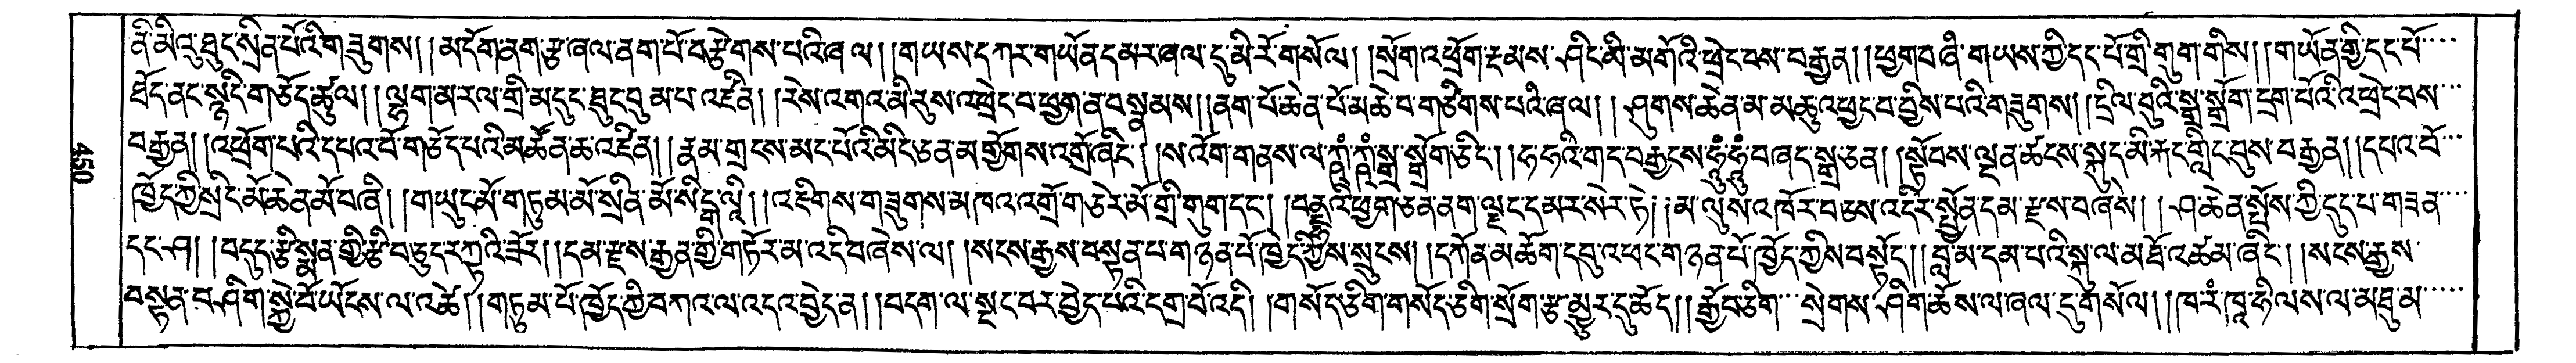ནི་མིའུ་ཐུང་སྲིན་པོའི་གཟུགས། །མདོག་ནག་རྩ་ཞལ་ནག་པོ་བརྩེགས་པའི་ཞལ། །གཡས་དཀར་གཡོན་དམར་ཞལ་དུ་མི་རོ་གསོལ། །སྲོག་འཕྲོག་རྔམས་ཤིང་མི་མགོའི་ཕྲེང་བས་བརྒྱན། །ཕྱག་བཞི་གཡས་ཀྱི་དང་པོ་གྲི་གུག་གིས། །གཡོན་གྱི་དང་པོ་
ཐོད་ནང་སྙིང་གཅོད་ཚུལ། །ལྷག་མ་རལ་གྲི་མདུང་ཐུང་བུམ་པ་འཛིན། །རེས་འགའ་མི་རུས་འཕྲེང་བ་ཕྱག་ན་བསྣམས། །ནག་པོ་ཆེན་པོ་མཆེ་བ་གཅིགས་པའི་ཞལ། །ཤུགས་ཆེན་མ་མཆུ་འཕྱང་བ་བྱིས་པའི་གཟུགས། །དྲིལ་བུའི་སྒྲ་སྒྲོག་དྲག་པོའི་འཕྲེང་བས་
བརྒྱན། །འཕྲོག་པའི་དཔའ་བོ་གཅོད་པའི་མཚོན་ཆ་འཛིན། །རྣམ་གྲངས་མང་པོའི་མིང་ཅན་མགྱོགས་འགྲོ་ཞིང་། །ས་འོག་གནས་ལ་ཀྵིཾ་ཀྵིཾ་སྒྲ་སྒྲོག་ཅིང་། །ཧ་ཧའི་གང་བརྒྱངས་ཧཱུཾ་ཧཱུཾ་བཞད་སྒྲ་ཅན། །སྟོབས་ལྡན་ཚངས་སྐུད་མི་རྐང་གླིང་བུས་བརྒྱན། །དཔའ་བོ་
ཁྱོད་ཀྱི་སྲིང་མོ་ཆེན་མོ་བཞི། །གཡུང་མོ་གཏུམ་མོ་སྲིན་མོ་སིངྒ་ལའི། །འཇིགས་གཟུགས་མཁའ་འགྲོ་གཅེར་མོ་གྲི་གུག་དང་། །བནྡཱའི་ཕྱག་ཅན་ནག་ལྗང་དམར་སེར་ཏེ། །མ་ལུས་འཁོར་བཅས་འདིར་སྤྱོན་དམ་རྫས་བཞེས། །ཤ་ཆེན་སྤོས་ཀྱི་དུད་བ་གཞན་
དང་ཤ། །བདུད་རྩི་སྨན་གྱི་རྩི་བཅུད་རཀྟཱི་ཟོར། །དམ་རྫས་རྒྱན་གྱི་གཏོར་མ་འདི་བཞེས་ལ། །སངས་རྒྱས་བསྟན་པ་གཉན་པོ་ཁྱོད་ཀྱིས་སྲུངས། །དཀོན་མཆོག་དབུ་འཕང་གཉན་པོ་ཁྱོད་ཀྱིས་བསྟོད། །བླ་མ་དམ་པའི་སྐུ་ལ་མཐོ་འཚམ་ཞིང་། །སངས་རྒྱས་
བསྟན་བཤིག་སྐྱེ་བོ་ཡོངས་ལ་འཚེ། །གཏུམ་པོ་ཁྱོད་ཀྱི་བཀའ་ལ་འདའ་བྱེད་ན། བདག་ལ་སྡང་བར་བྱེད་པའི་དགྲ་བོ་འདི། །གསོད་ཅིག་གསོད་ཅིག་སྲོག་རྩ་མྱུར་དུ་ཆོད། །རྒྱོབ་ཅིག་བསྲེགས་ཤིག་ཚོས་ལ་ཞལ་དུ་གསོལ། །ཁ་རཾ་ཁཱ་ཧི་ལས་ལ་མཐུ་མ་